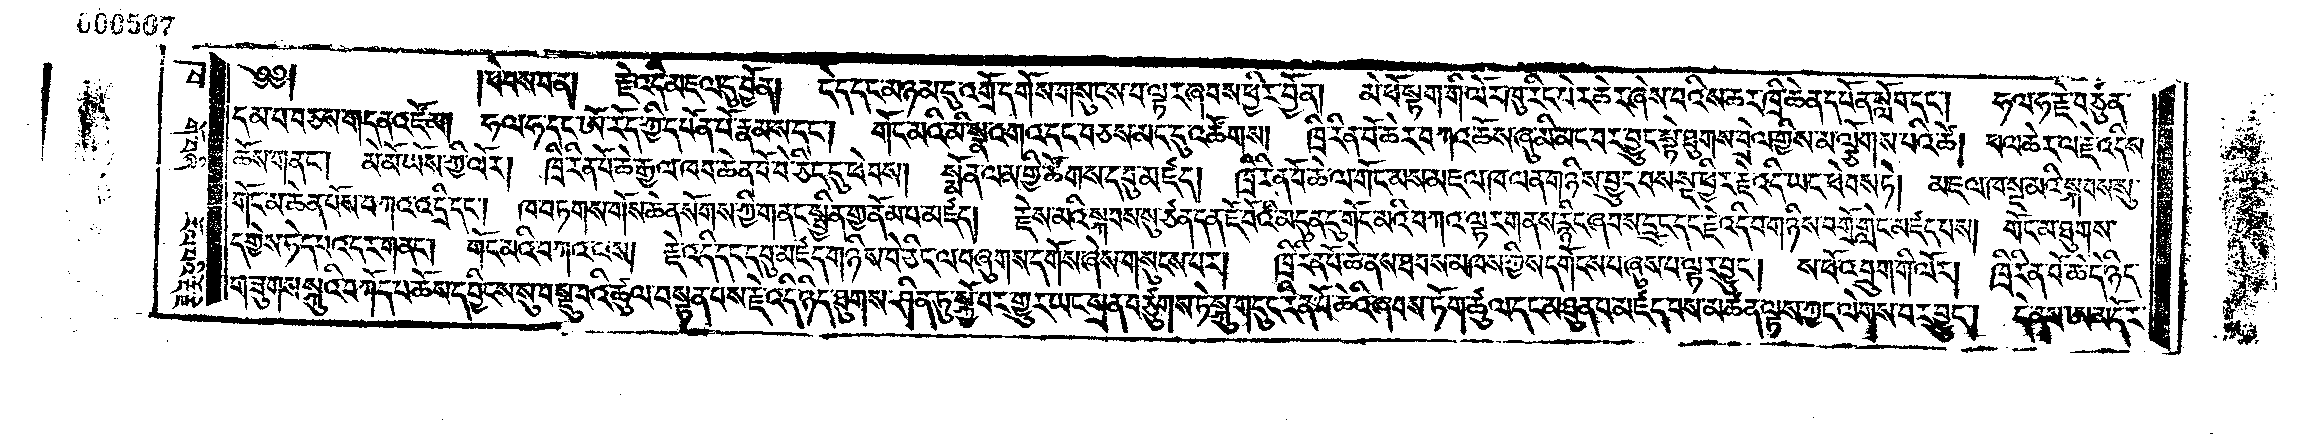༄༅། །ཕེབས་པ་ན། རྗེ་འདི་མཇལ་དུ་བྱོན། ངེད་དང་མཉམ་དུ་འགྲོ་དགོས་གསུངས་པ་ལྟར་ཞབས་ཕྱིར་བྱོན། མེ་ཕོ་སྟག་གི་ལོར་ཁུ་རིང་པེར་ཆེར་ཞེས་པའི་ས་ཆར་ཁྲི་ཆེན་དཔོན་སློབ་དང་། ཧལ་ཧ་རྗེ་བཙུན་
དམ་པ་བཅས་གདན་འཛོམ། ཧལ་ཧ་དང་ཨ་རོད་ཀྱི་དཔོན་པོ་རྣམས་དང་། གོང་མའི་མི་སྣ་འགའ་དང་བཅས་མང་དུ་འཚོགས། ཁྲི་རིན་པོ་ཆེར་བཀའ་ཆོས་ཞུ་མི་མང་བར་བྱུང་སྟེ་ཐུགས་བྲེལ་གྱིས་མ་ལྕོགས་པའི་ཚེ། ཕལ་ཆེར་ལ་རྗེ་འདིས་
ཆོས་གནང་། མེ་མོ་ཡོས་ཀྱི་ལོར། ཁྲི་རིན་པོ་ཆེ་རྒྱལ་ཁབ་ཆེན་པོ་བེ་ཅིང་དུ་ཕེབས། སྨོན་ལམ་གྱི་ཚོགས་དབུ་མཛད། ཁྲི་རིན་པོ་ཆེ་ལ་གོང་མས་མཇལ་ཁ་ལན་གཉིས་བྱུང་བས་སྔ་ཕྱིར་རྗེ་འདི་ཡང་ཕེབས་ཏེ། མཇལ་ཁ་སྔ་མའི་སྐབས་སུ་
གོང་མ་ཆེན་པོས་བཀའ་འདྲི་དང་། ཁ་བཏགས་གོས་ཆེན་སོགས་ཀྱི་གནང་སྦྱིན་གྱ་ནོམ་པ་མཛད། རྗེས་མའི་སྐབས་སུ་ཙན་དན་ཇོ་བོའི་མདུན་དུ་གོང་མའི་བཀའ་ལྟར་གནས་རྙིང་ཞབས་དྲུང་དང་རྗེ་འདི་བ་གཉིས་བགྲོ་གླེང་མཛད་པས། གོང་མ་ཐུགས་
དགྱེས་ཏེ་དཔའ་དར་གནང་། གོང་མའི་བཀའ་ལས། རྗེ་འདི་དང་དབུ་མཛད་གཉིས་བེ་ཅིང་ལ་བཞུགས་དགོས་ཞེས་གསུངས་པར། ཁྲི་རིན་པོ་ཆེ་ནས་ཐབས་མཁས་ཀྱིས་དགོངས་པ་ཞུས་པ་ལྟར་བྱུང་། ས་ཕོ་འབྲུག་གི་ལོར། ཁྲི་རིན་པོ་ཆེ་དེ་ཉིད་
གཟུགས་སྐུའི་བཀོད་པ་ཆོས་དབྱིངས་སུ་བསྡུ་བའི་ཚུལ་བསྟན་པས་རྗེ་འདི་ཉིད་ཐུགས་ཤིན་ཏུ་སྐྱོ་བར་གྱུར་ཡང་སྲན་བཙུགས་ཏེ་སྐུ་གདུང་རིན་པོ་ཆེའི་ཞབས་ཏོག་ཚུལ་དང་མཐུན་པ་མཛད་པས་མཚན་ལྟས་ཀྱང་ལེགས་པར་བྱུང་། དེ་ནས་ཨ་མདོར་